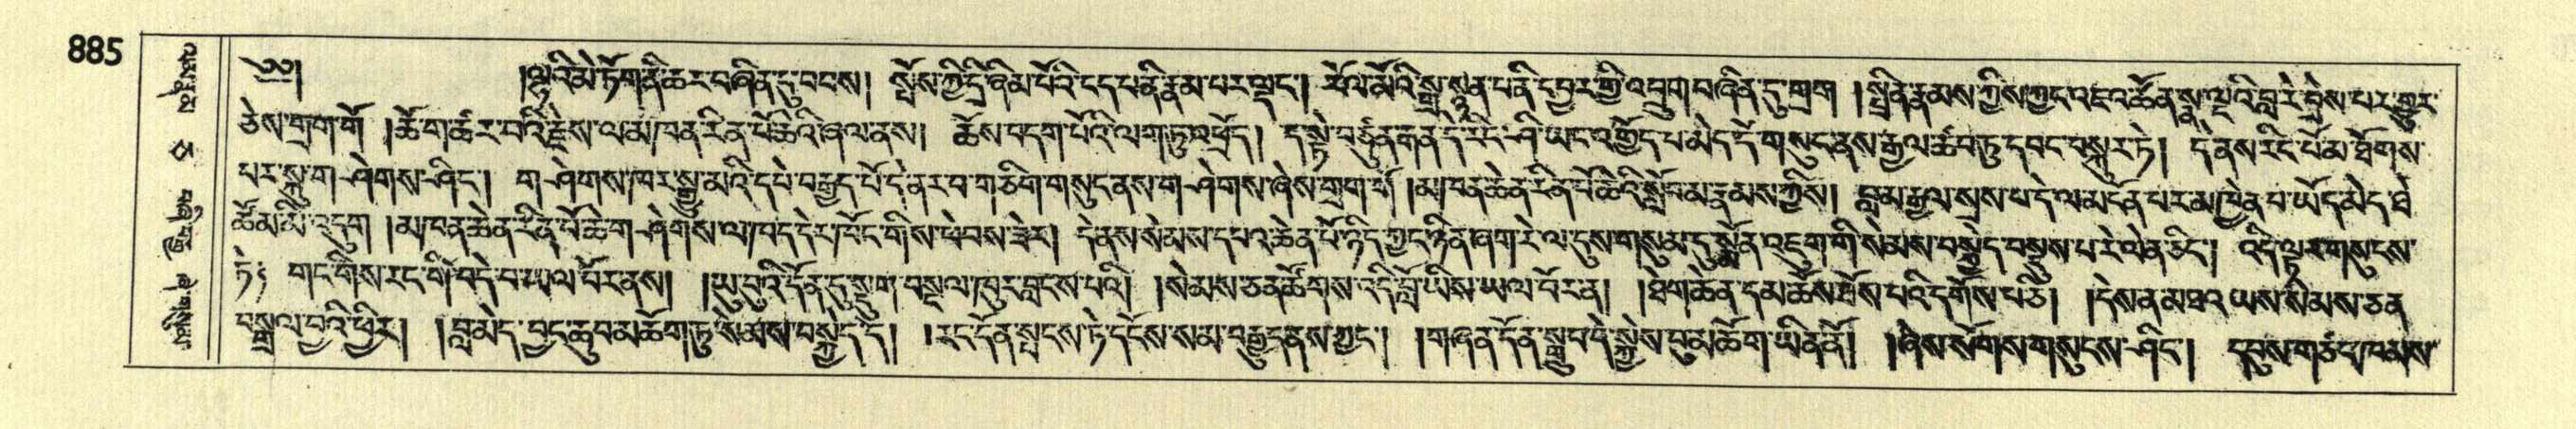༄༅། །ལྷའི་མེ་ཏོག་ནི་ཆར་བཞིན་དུ་བབས། སྤོས་ཀྱི་དྲི་ཞིམ་པོའི་ངད་པ་ནི་རྣམ་པར་ལྡང་། རོལ་མོའི་སྒྲ་སྙན་པ་ནི་དབྱར་གྱི་འབྲུག་བཞིན་དུ་གྲག །སྤྲིན་རྣམས་ཀྱིས་ཀྱང་འཇའ་ཚོན་སྣ་ལྔའི་བླ་རེ་བྲེས་པར་གྱུར་
ཅེས་གྲག་གོ །ཆོ་ག་ཚར་བའི་རྗེས་ལ་མཁན་རིན་པོ་ཆེའི་ཞལ་ནས། ཆོས་བདག་པོའི་ལག་ཏུ་འཕྲོད། ད་སྟེ་བཙུན་རྒན་དེ་རིང་ཤི་ཡང་འགྱོད་པ་མེད་དོ་གསུང་ནས་རྒྱལ་ཚབ་ཏུ་དབང་བསྐུར་ཏེ། དེ་ནས་རིང་པོ་མ་ཐོགས་
པར་སྐུ་གཤེགས་ཤིང་། གཤེགས་ཁར་སྒྱུ་མའི་དཔེ་བརྒྱད་པོ་དེ་ནར་བ་གཅིག་གསུང་ནས་གཤེགས་ཞེས་གྲག་གོ །མཁན་ཆེན་རིན་པོ་ཆེའི་སློབ་མ་རྣམས་ཀྱིས། བླ་མ་རྒྱལ་སྲས་པ་དེ་ལ་མངོན་པར་མཁྱེན་པ་ཡོད་མེད་ཐེ་
ཚོམ་མི་འདུག །མཁན་ཆེན་རིན་པོ་ཆེ་གཤེགས་ལ་ཁད་དེར་ཁོང་གིས་ཕེབས་ཟེར། དེ་ནས་སེམས་དཔའ་ཆེན་པོ་ཉིད་ཀྱང་ཉིན་ཞག་རེ་ལ་དུས་གསུམ་དུ་སྨོན་འཇུག་གི་སེམས་བསྐྱེད་བསྡུས་པ་རེ་ལེན་ཅིང་། འདི་ལྟར་གསུངས་
ཏེ༑ གང་གིས་རང་གི་བདེ་བ་ཡལ་པོར་ནས། །ཡུ་བུའི་དོན་དུ་སྡུག་བསྔལ་ཁུར་བླངས་པའི། །སེམས་ཅན་ཚོགས་འདི་བློ་ཡིས་ཡལ་བོར་ན། །ཐེག་ཆེན་དམ་ཆོས་ཐོས་པའི་དགོས་པ་ཅི། །དེས་ན་མཐའ་ཡས་སེམས་ཅན་
བསྒྲལ་བྱའི་ཕྱིར། །བླ་མེད་བྱང་ཆུབ་མཆོག་ཏུ་སེམས་བསྐྱེད་དེ། །རང་དོན་སྤངས་ཏེ་དངོས་ས་མ་བརྒྱུད་ནས་ཀྱང་། །གཞན་དོན་སྒྲུབ་དེ་སྐྱེས་བུ་མཆོག་ཡིན་ནོ། །ཞེས་སོགས་གསུངས་ཤིང་། དབུས་གཙང་ཁམས་